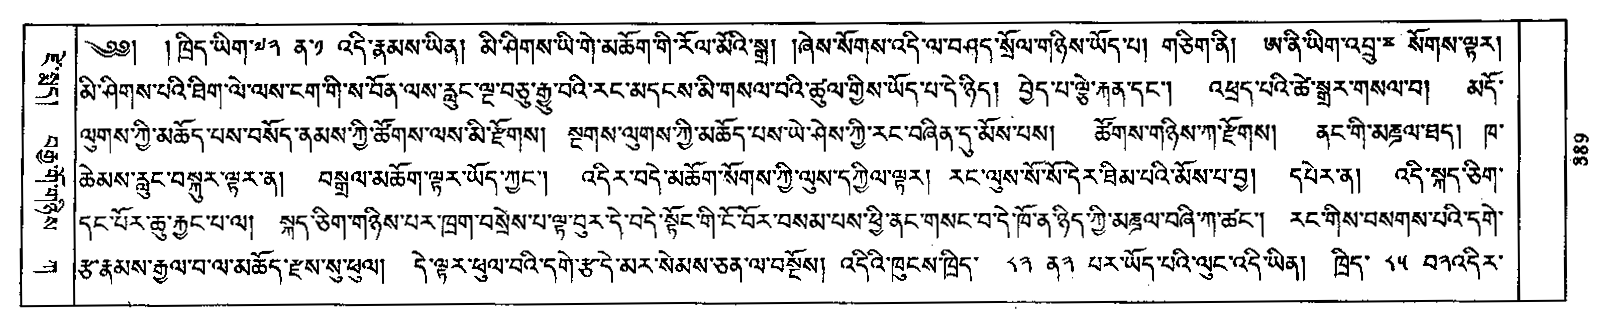༄༅། །ཁྲིད་ཡིག ༧༢་ན ༡་འདི་རྣམས་ཡིན། མི་ཤིགས་ཡི་གེ་མཆོག་གི་རོལ་མོའི་སྒྲ། །ཞེས་སོགས་འདི་ལ་བཤད་སྲོལ་གཉིས་ཡོད་པ། གཅིག་ནི། ཨ་ནི་ཡིག་འབྲུ་྾་སོགས་ལྟར།
མི་ཤིགས་པའི་ཐིག་ལེ་ལས་ངག་གི་ས་བོན་ལས་རླུང་ལྔ་བཅུ་རྒྱུ་བའི་རང་མདངས་མི་གསལ་བའི་ཚུལ་གྱིས་ཡོད་པ་དེ་ཉིད། བྱེད་པ་ལྕེ་རྐན་དང་། འཕྲད་པའི་ཚེ་སྒྲར་གསལ་བ། མདོ་
ལུགས་ཀྱི་མཆོད་པས་བསོད་ནམས་ཀྱི་ཚོགས་ལས་མི་རྫོགས། སྔགས་ལུགས་ཀྱི་མཆོད་པས་ཡེ་ཤེས་ཀྱི་རང་བཞིན་དུ་མོས་པས། ཚོགས་གཉིས་ཀ་རྫོགས། ནང་གི་མཎྜལ་ཐད། ཁ་
ཆེམས་རླུང་བསྐུར་ལྟར་ན། བསྒྲལ་མཆོག་ལྟར་ཡོད་ཀྱང་། འདིར་བདེ་མཆོག་སོགས་ཀྱི་ལུས་དཀྱིལ་ལྟར། རང་ལུས་སོ་སོ་དེར་ཐིམ་པའི་མོས་པ་བྱ། དཔེར་ན། འདི་སྐད་ཅིག་
དང་པོར་ཆུ་རྐྱང་པ་ལ། སྐད་ཅིག་གཉིས་པར་ཁྲག་བསྲེས་པ་ལྟ་བུར་དེ་བདེ་སྟོང་གི་ངོ་བོར་བསམ་པས་ཕྱི་ནང་གསང་བ་དེ་ཁོ་ན་ཉིད་ཀྱི་མཎྜལ་བཞི་ཀ་ཚང་། རང་གིས་བསགས་པའི་དགེ་
རྩ་རྣམས་རྒྱལ་བ་ལ་མཆོད་རྫས་སུ་ཕུལ། དེ་ལྟར་ཕུལ་བའི་དགེ་རྩ་དེ་མར་སེམས་ཅན་ལ་བསྔོས། འདིའི་ཁུངས་ཁྲིད ༨༢་ན ༢་པར་ཡོད་པའི་ལུང་འདི་ཡིན། ཁྲིད ༨༥་བ ༢་འདིར་